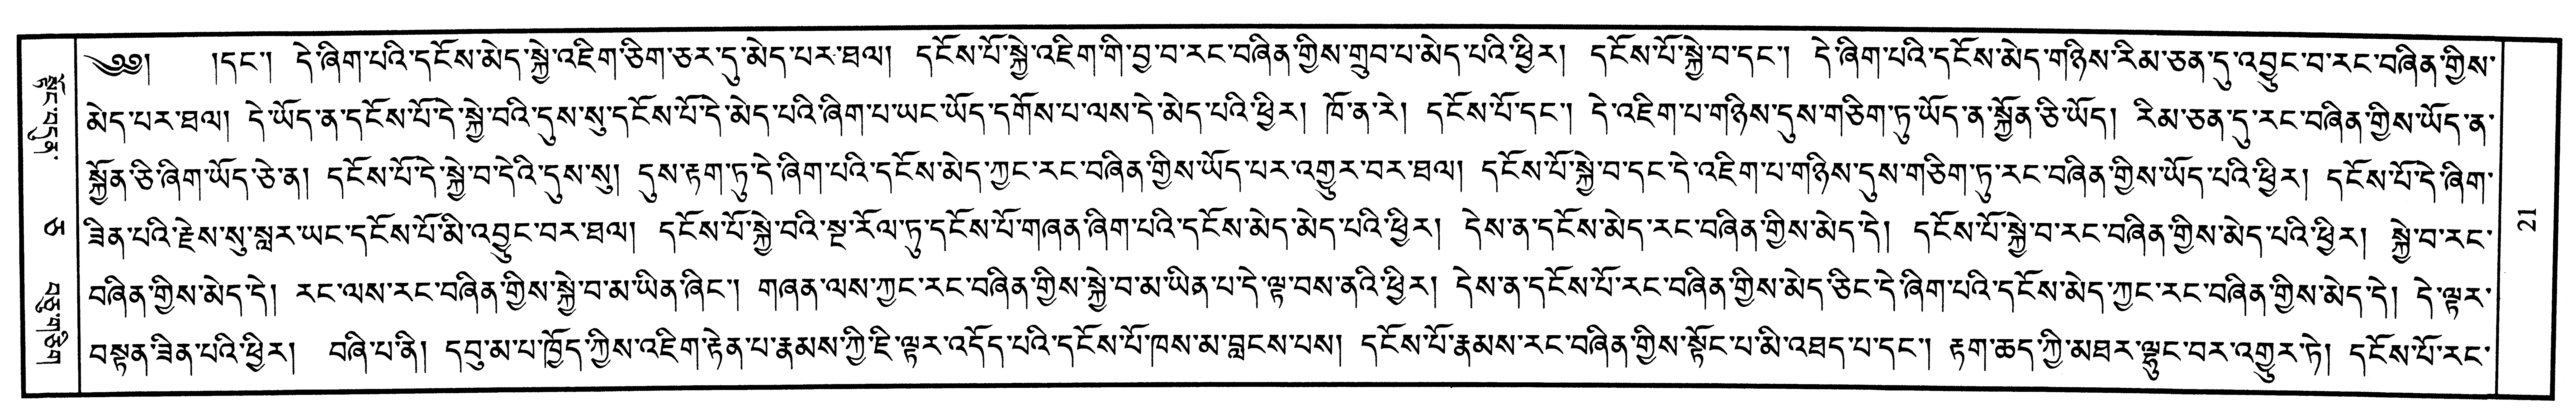༄༅། །དང་། དེ་ཞིག་པའི་དངོས་མེད་སྐྱེ་འཇིག་ཅིག་ཅར་དུ་མེད་པར་ཐལ། དངོས་པོ་སྐྱེ་འཇིག་གི་བྱ་བ་རང་བཞིན་གྱིས་གྲུབ་པ་མེད་པའི་ཕྱིར། དངོས་པོ་སྐྱེ་བ་དང་། དེ་ཞིག་པའི་དངོས་མེད་གཉིས་རིམ་ཅན་དུ་འབྱུང་བ་རང་བཞིན་གྱིས་
མེད་པར་ཐལ། དེ་ཡོད་ན་དངོས་པོ་དེ་སྐྱེ་བའི་དུས་སུ་དངོས་པོ་དེ་མེད་པའི་ཞིག་པ་ཡང་ཡོད་དགོས་པ་ལས་དེ་མེད་པའི་ཕྱིར། ཁོ་ན་རེ། དངོས་པོ་དང་། དེ་འཇིག་པ་གཉིས་དུས་གཅིག་ཏུ་ཡོད་ན་སྐྱོན་ཅི་ཡོད། རིམ་ཅན་དུ་རང་བཞིན་གྱིས་ཡོད་ན་
སྐྱོན་ཅི་ཞིག་ཡོད་ཅེ་ན། དངོས་པོ་དེ་སྐྱེ་བ་དེའི་དུས་སུ། དུས་རྟག་ཏུ་དེ་ཞིག་པའི་དངོས་མེད་ཀྱང་རང་བཞིན་གྱིས་ཡོད་པར་འགྱུར་བར་ཐལ། དངོས་པོ་སྐྱེ་བ་དང་དེ་འཇིག་པ་གཉིས་དུས་གཅིག་ཏུ་རང་བཞིན་གྱིས་ཡོད་པའི་ཕྱིར། དངོས་པོ་དེ་ཞིག་
ཟིན་པའི་རྗེས་སུ་སླར་ཡང་དངོས་པོ་མི་འབྱུང་བར་ཐལ། དངོས་པོ་སྐྱེ་བའི་སྔ་རོལ་ཏུ་དངོས་པོ་གཞན་ཞིག་པའི་དངོས་མེད་མེད་པའི་ཕྱིར། དེས་ན་དངོས་མེད་རང་བཞིན་གྱིས་མེད་དེ། དངོས་པོ་སྐྱེ་བ་རང་བཞིན་གྱིས་མེད་པའི་ཕྱིར། སྐྱེ་བ་རང་
བཞིན་གྱིས་མེད་དེ། རང་ལས་རང་བཞིན་གྱིས་སྐྱེ་བ་མ་ཡིན་ཞིང་། གཞན་ལས་ཀྱང་རང་བཞིན་གྱིས་སྐྱེ་བ་མ་ཡིན་པ་དེ་ལྟ་བས་ནའི་ཕྱིར། དེས་ན་དངོས་པོ་རང་བཞིན་གྱིས་མེད་ཅིང་དེ་ཞིག་པའི་དངོས་མེད་ཀྱང་རང་བཞིན་གྱིས་མེད་དེ། དེ་ལྟར་
བསྟན་ཟིན་པའི་ཕྱིར། བཞི་པ་ནི། དབུ་མ་པ་ཁྱོད་ཀྱིས་འཇིག་རྟེན་པ་རྣམས་ཀྱི་ཇི་ལྟར་འདོད་པའི་དངོས་པོ་ཁས་མ་བླངས་པས། དངོས་པོ་རྣམས་རང་བཞིན་གྱིས་སྟོང་པ་མི་འཐད་པ་དང་། རྟག་ཆད་ཀྱི་མཐར་ལྷུང་བར་འགྱུར་ཏེ། དངོས་པོ་རང་